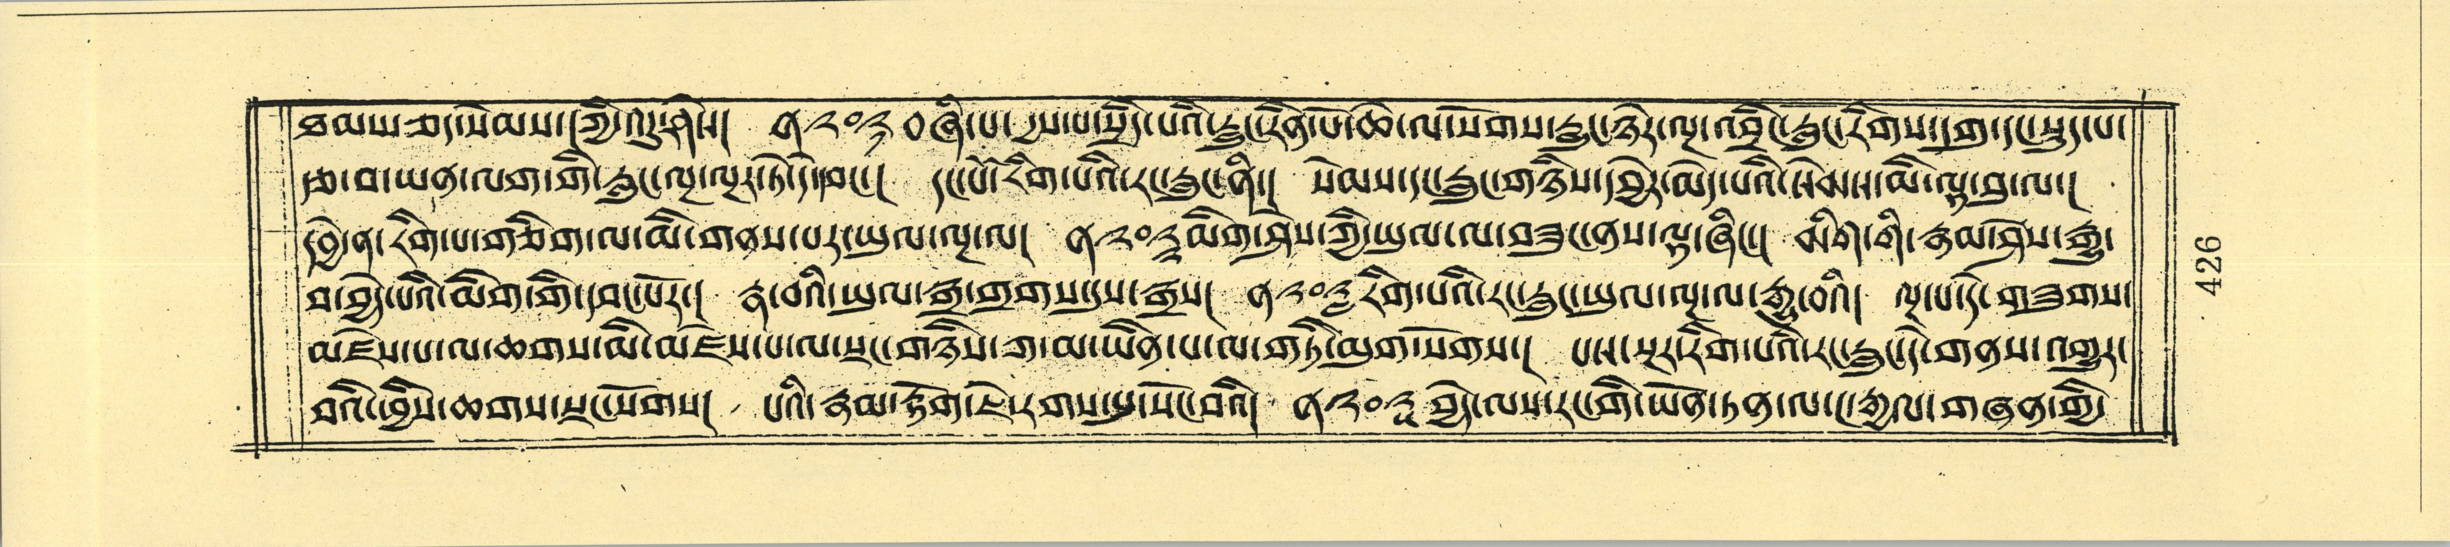ཐམས་ཅད་སེམས་ཀྱི་༼འདུ་ཤེས༽ན༢༠༢།༡༼བཞི་པ༽རྒྱས་པ་སྲིད་པའི་རླུང་རིན་པོ་ཆེ་ལ་སོགས་རླུང་ཉེར་ལྔ་འབྲིང་རླུང་རིགས་དགུ་དང་སྡུད་པ་
རྩ་བ་ཡན་ལག་གི་རླུང་ལྔ་ལྔར་ཏེ་དེ་དབང་༼དང་པོ༽རིག་པའི་རང་རླུང་ནི་སེམས་དང་རླུང་གཉིས་དབྱེར་མེད་པའི།༼སེམས༽མི་ལྟ་བུ་ལ། 
༼དབྱེ་ན༽རིག་པ་གཅིག་ལ་མི་གནས་པར་ཡུལ་ལྔ་ལ་ན༢༠༢།༢མིག་ཤེས་ཀྱིས་ཡུལ་ལ་བཟུང་ནས་ལྟ་ཞིང་༼མིག༽གི་རྣམ་ཤེས་རྒྱུ་
བ་བྱེད་པའི་མིག་གི་དབང་པོར། རྣ་བའི་ཡུལ་སྒྲ་གྲགས་དུས་སྒྲས། ན༢༠༢།༤རིག་པའི་རང་རླུང་ཡུལ་ལྔ་ལ་རྒྱུ་བའི་༼ལྔ་པ་དེ༽གཟུགས་
མཛེས་པ་ལ་ཆགས་མི་མཛེས་པ་ལ་སྡང་གཉིས་ཀ་མ་ཡིན་པ་ལ་གཏི་མུག་སོགས་༼པས༽སྔར་རིག་པའི་རང་རླུང་དེ་གནས་འགྱུར་
བའི་ཕྱིས་ཆགས་སྡང་སོགས།༼པའི༽རྣམ་རྟོག་ཇེ་རགས་སུ་སོང་བའི་ན༢༠༢།༥བྱེད་ལས་རང་གི་ཡོན་ཏན་ལ་ང་རྒྱལ་གཞན་གྱི་